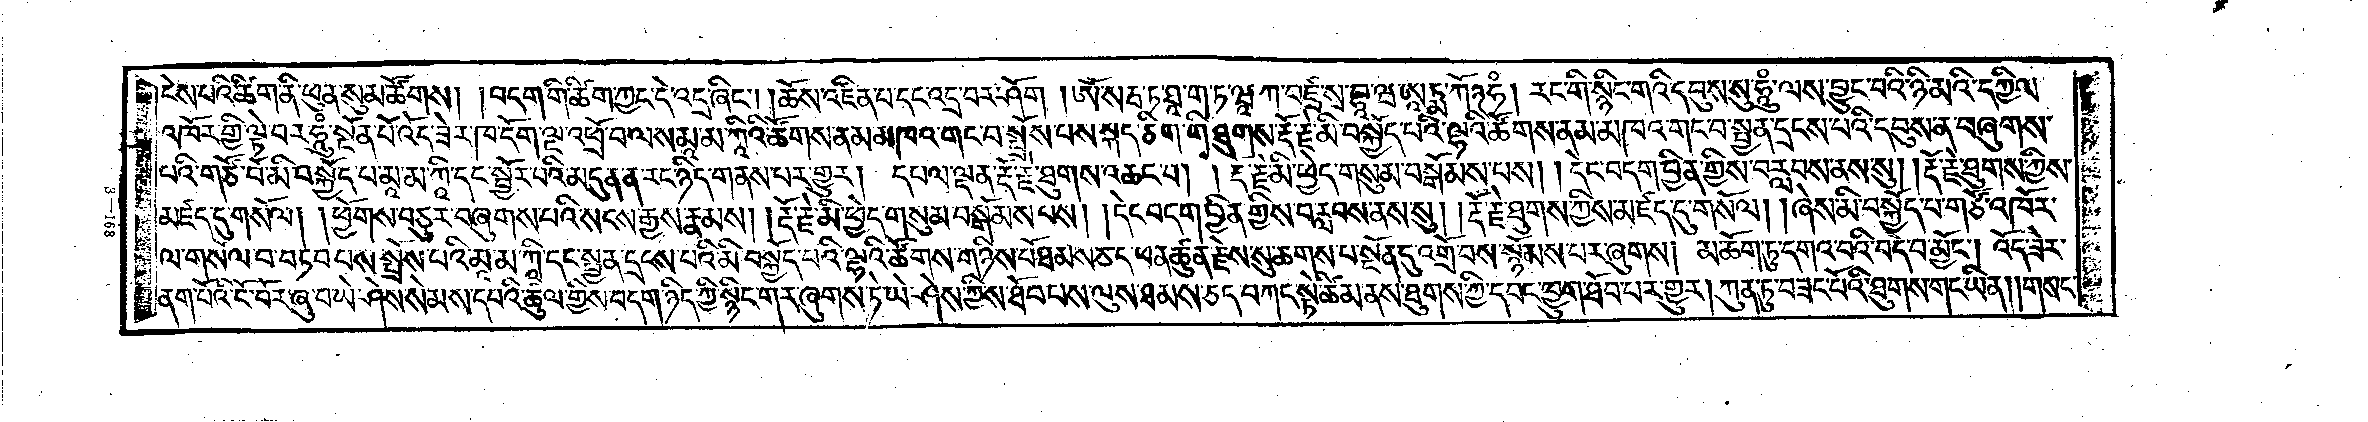ངེས་པའི་ཚིག་ནི་ཕུན་སུམ་ཚོགས། །བདག་གི་ཚིག་ཀྱང་དེ་འདྲ་ཞིང་། །ཆོས་འཛིན་པ་དང་འདྲ་བར་ཤོག །ཨོཾ་སརྦ་ཏ་ཐཱ་ག་ཏ་ཝཱ་ཀ་བཛྲ་སྲ་བྷཱ་ཝ་ཨཱཏྨ་ཀོཉཧཾ། རང་གི་སྙིང་གའི་དབུས་སུ་ཧཱུཾ་ལས་བྱུང་བའི་ཉི་མའི་དཀྱིལ་
འཁོར་གྱི་ལྟེ་བར་ཧཱུཾ་སྔོན་པོ་འོད་ཟེར་ཁ་དོག་ལྔ་འཕྲོ་བ་ལས་མཱ་མ་ཀཱིའི་ཚོགས་ནམ་མཁའ་གང་བ་སྤྲོས་པས་སྐད་ཅིག་གི་ཐུགས་རྡོ་རྗེ་མི་བསྐྱོད་པའི་ལྷའི་ཚོགས་ནམ་མཁའ་གང་བ་སྦྱན་དྲངས་པའི་དབུས་ན་བཞུགས་
པའི་གཙོ་བོ་མི་བསྐྱོད་པ་མཱ་མ་ཀཱི་དང་སྦྱོར་པའི་མདུན་ན་རང་ཉིད་གནས་པར་གྱུར། དཔལ་ལྡན་རྡོ་རྗེ་ཐུགས་འཆང་བ། །རྡོ་རྗེ་མི་ཕྱེད་གསུམ་བསྒོམས་པས། །དེང་བདག་བྱིན་གྱིས་བརླབས་ནས་སུ། །རྡོ་རྗེ་ཐུགས་ཀྱིས་
མཛད་དུ་གསོལ། །ཕྱོགས་བཅུར་བཞུགས་པའི་སངས་རྒྱས་རྣམས། །རྡོ་རྗེ་མི་ཕྱེད་གསུམ་བསྒོམས་པས། །དེང་བདག་བྱིན་གྱིས་བརླབས་ནས་སུ། །རྡོ་རྗེ་ཐུགས་ཀྱིས་མཛད་དུ་གསོལ། །ཞེས་མི་བསྐྱོད་པ་གཙོ་འཁོར་
ལ་གསལ་བ་བཏབ་པས་སྤྲེས་པའི་མཱ་མ་ཀཱི་དང་སྦྱན་དྲངས་པའི་མི་བསྐྱོད་པའི་ལྷའི་ཚོགས་གཉིས་པོ་ཐམས་ཅད་ཕན་ཚུན་རྗེས་སུ་ཆགས་པ་སྔོན་དུ་འགྲོ་བས་སྙོམས་པར་ཞུགས། མཆོག་ཏུ་དགའ་བའི་བདེ་བ་མྱོང་། འོད་ཟེར་
ནག་པོའི་ངོ་བོར་ཞུ་བ་ཡེ་ཤེས་སེམས་དཔའི་ཚུལ་གྱིས་བདག་ཉིད་ཀྱི་སྙིང་གར་ཞུགས་ཏེ་ཡེ་ཤེས་ཀྱིས་ཐོབ་པས་ལུས་ཐམས་ཅད་བཀང་སྟེ་ཚིམ་ནས་ཐུགས་ཀྱི་དབང་ཕྱུག་ཐོབ་པར་གྱུར། ཀུན་ཏུ་བཟང་པོའི་ཐུགས་གང་ཡིན། །གསང་